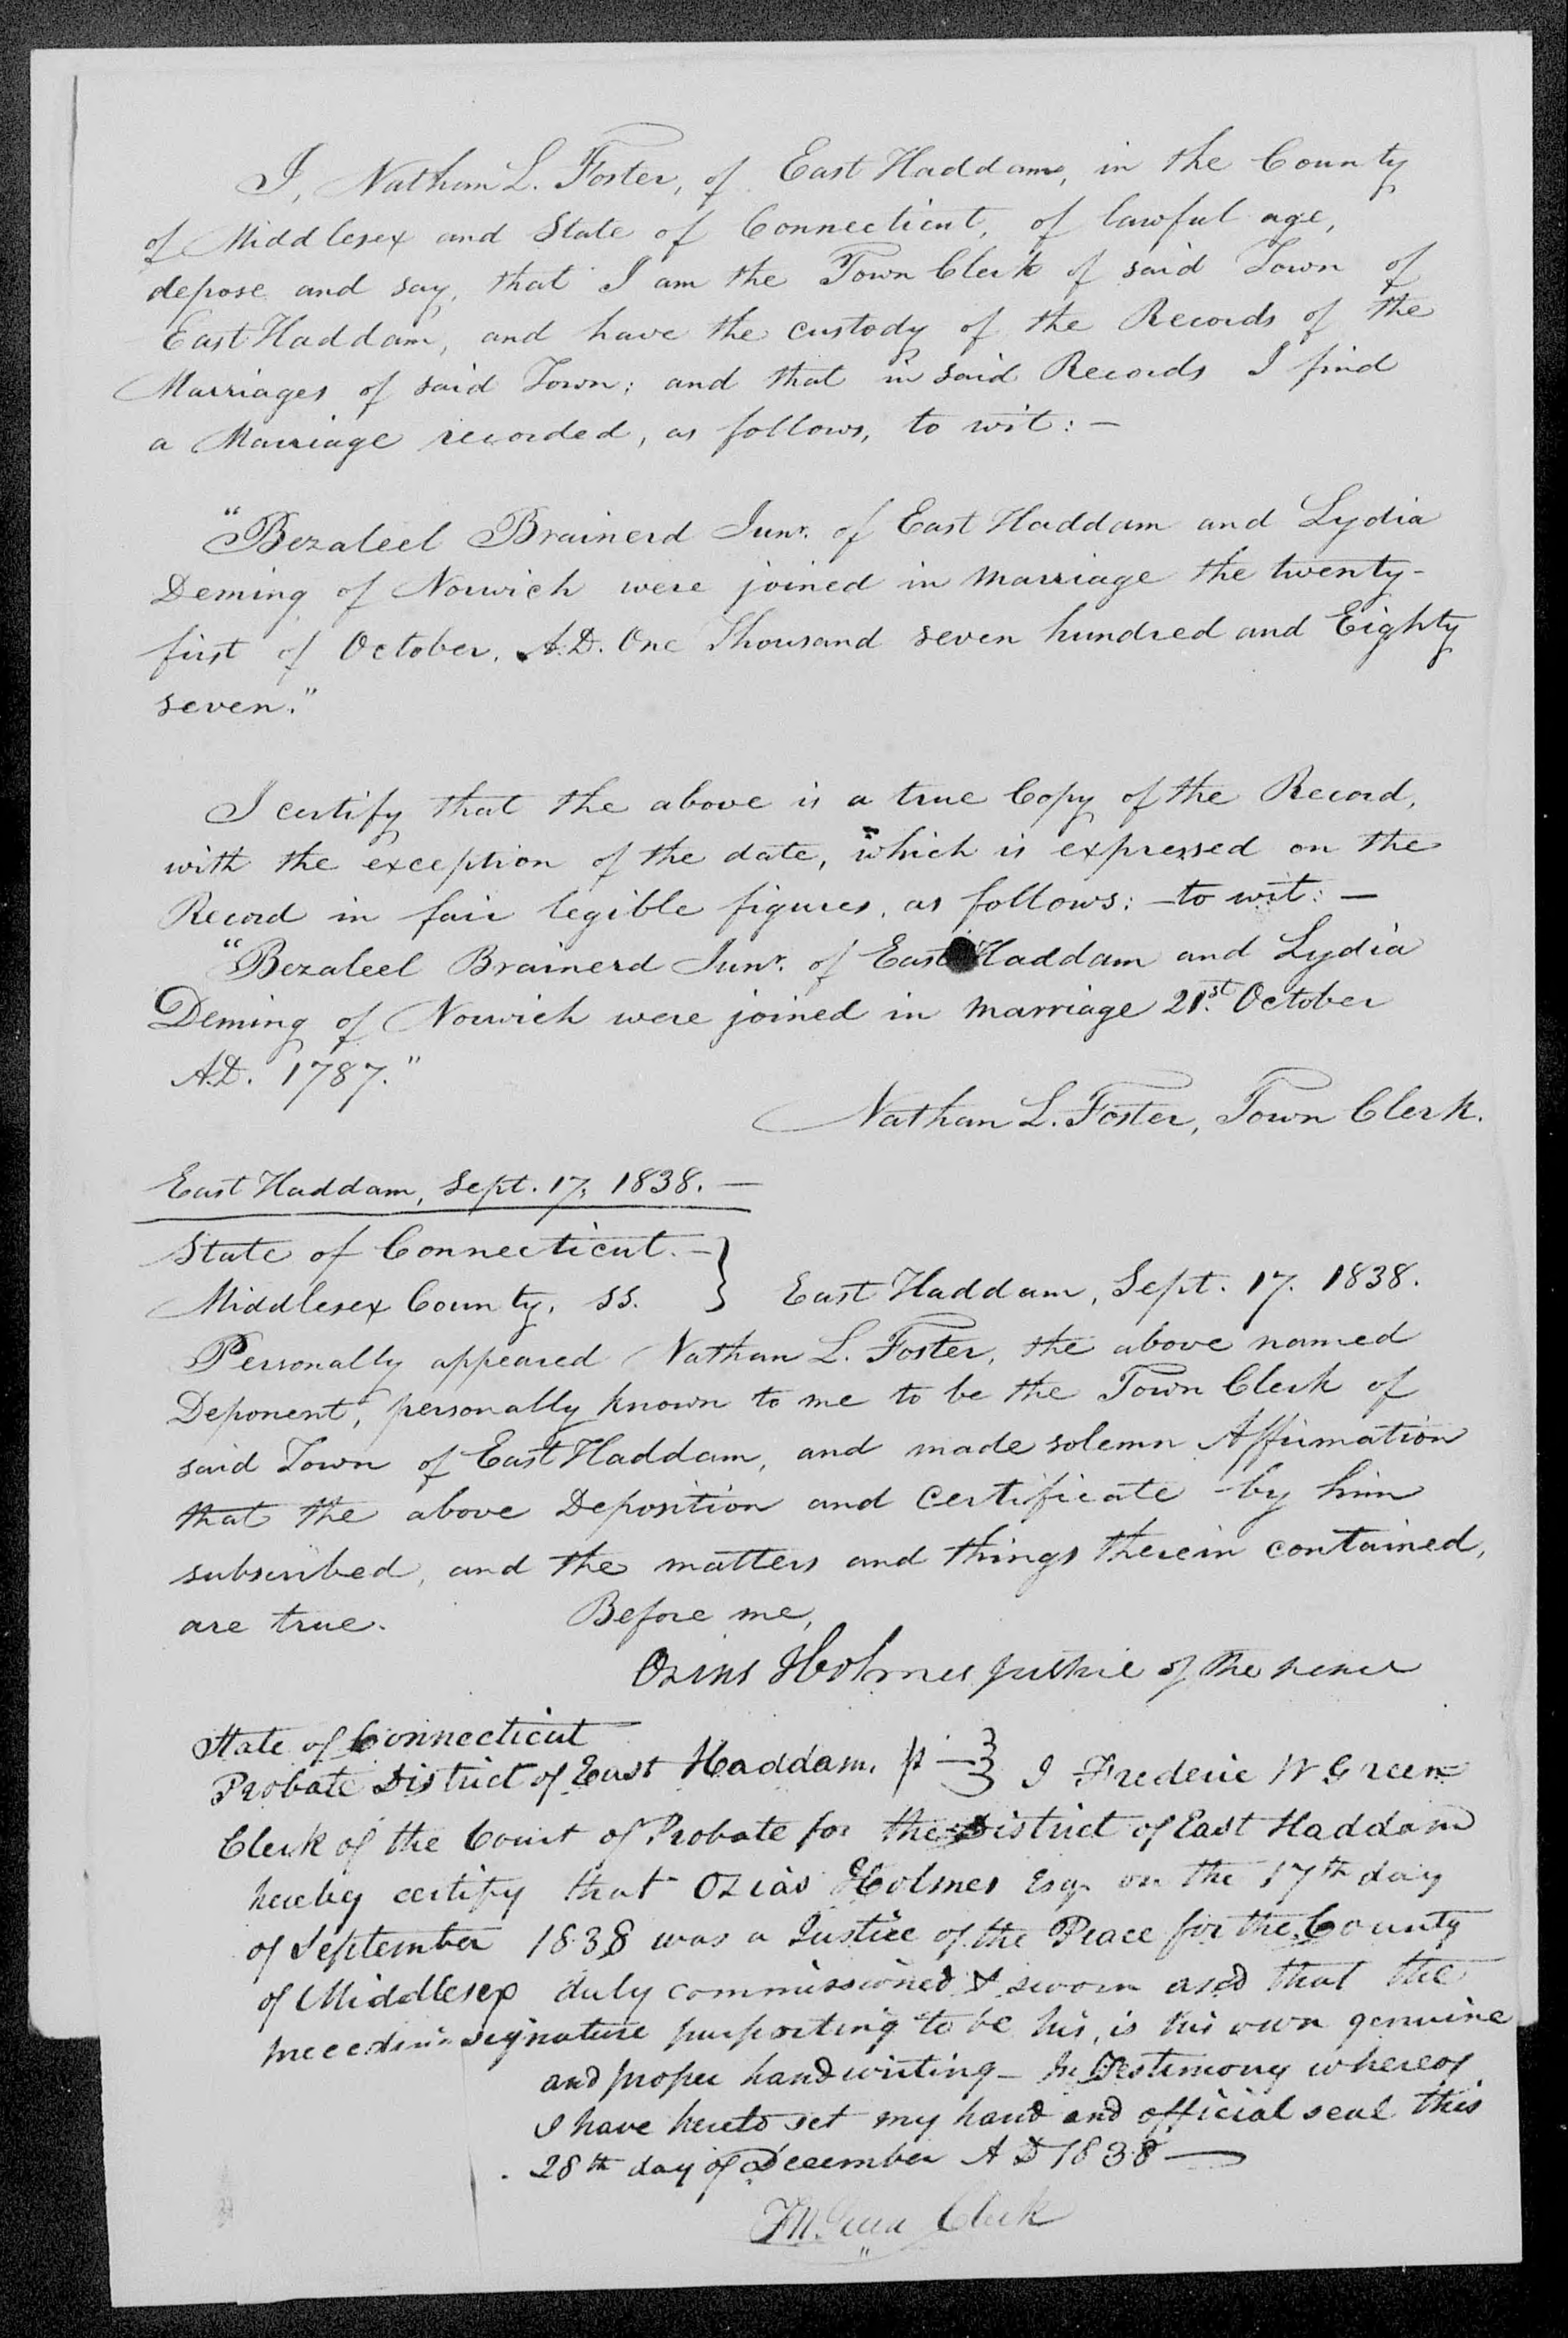I, Nathan L. Foster, of East Haddam, in the County of Middlesex and State of Connecticut of lawful age depose and say that I am the Town Clerk of said Town of East Haddam, and have the custody of the Records of the Marriages of said Town; and that in said Records I find a Marriage recorded, as follows, to wit:-
"Bezaleel Brainerd Junr of East Haddam and Lydia Deming of Norwich were joined in marriage the twenty first of October, A.D. One Thousand seven hundred and Eighty seven."

I certify that the above is a true Copy of the Record with the exception of the date, which is expressed on the Record in fair legible figures as follows: to wit:-- "Bezaleel Brainerd Junr of East Haddam and Lydia Deming of Norwich were joined in Marriage 21st October A.D. 1787."
[signature] Nathan L. Foster, Town Clerk

East Haddam, Sept. 17, 1838.-
State of Connecticut.}
Middlesex County, SS} East Haddam, Sept. 17. 1838. Personally appeared Nathan L. Foster, the above named Deponent, personally known to me to be the Town Clerk of said Town of East Haddam, and made solemn Affirmation that the above Deposition and certificate by him subscribed, and the matters and things therein contained, are true
Before me,
[signature] Orin Holmes Justice of the Peace

State of Connecticut}
Probate District of East Haddam, SS} I Frederic W Green Clerk of the Court of Probate for the District of East Haddam hereby certify that Ozias Holmes Esq. on the 17th day of September 1838 was a Justice of the Peace for the County of Middlesex duly commissioned & sworn and that the preceeding signature purporting to be his is his own genuine and proper hand writing. In Testimony whereof I have hereto set my hand and official seal this 28th day of December AD 1838
[signature] F.W. Green Clerk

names: Nathan L Foster, Bezaleel Brainerd, F W Green, Ozias Holmes, Nathan L Foster, Bezaleel Brainerd, Lydia Deming, Frederic W Green, Lydia Deming, Nathan L Foster, Ozias Holmes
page: 7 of 25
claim: widow's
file: W. 23,671, Bezaleel Brainard, Conn.